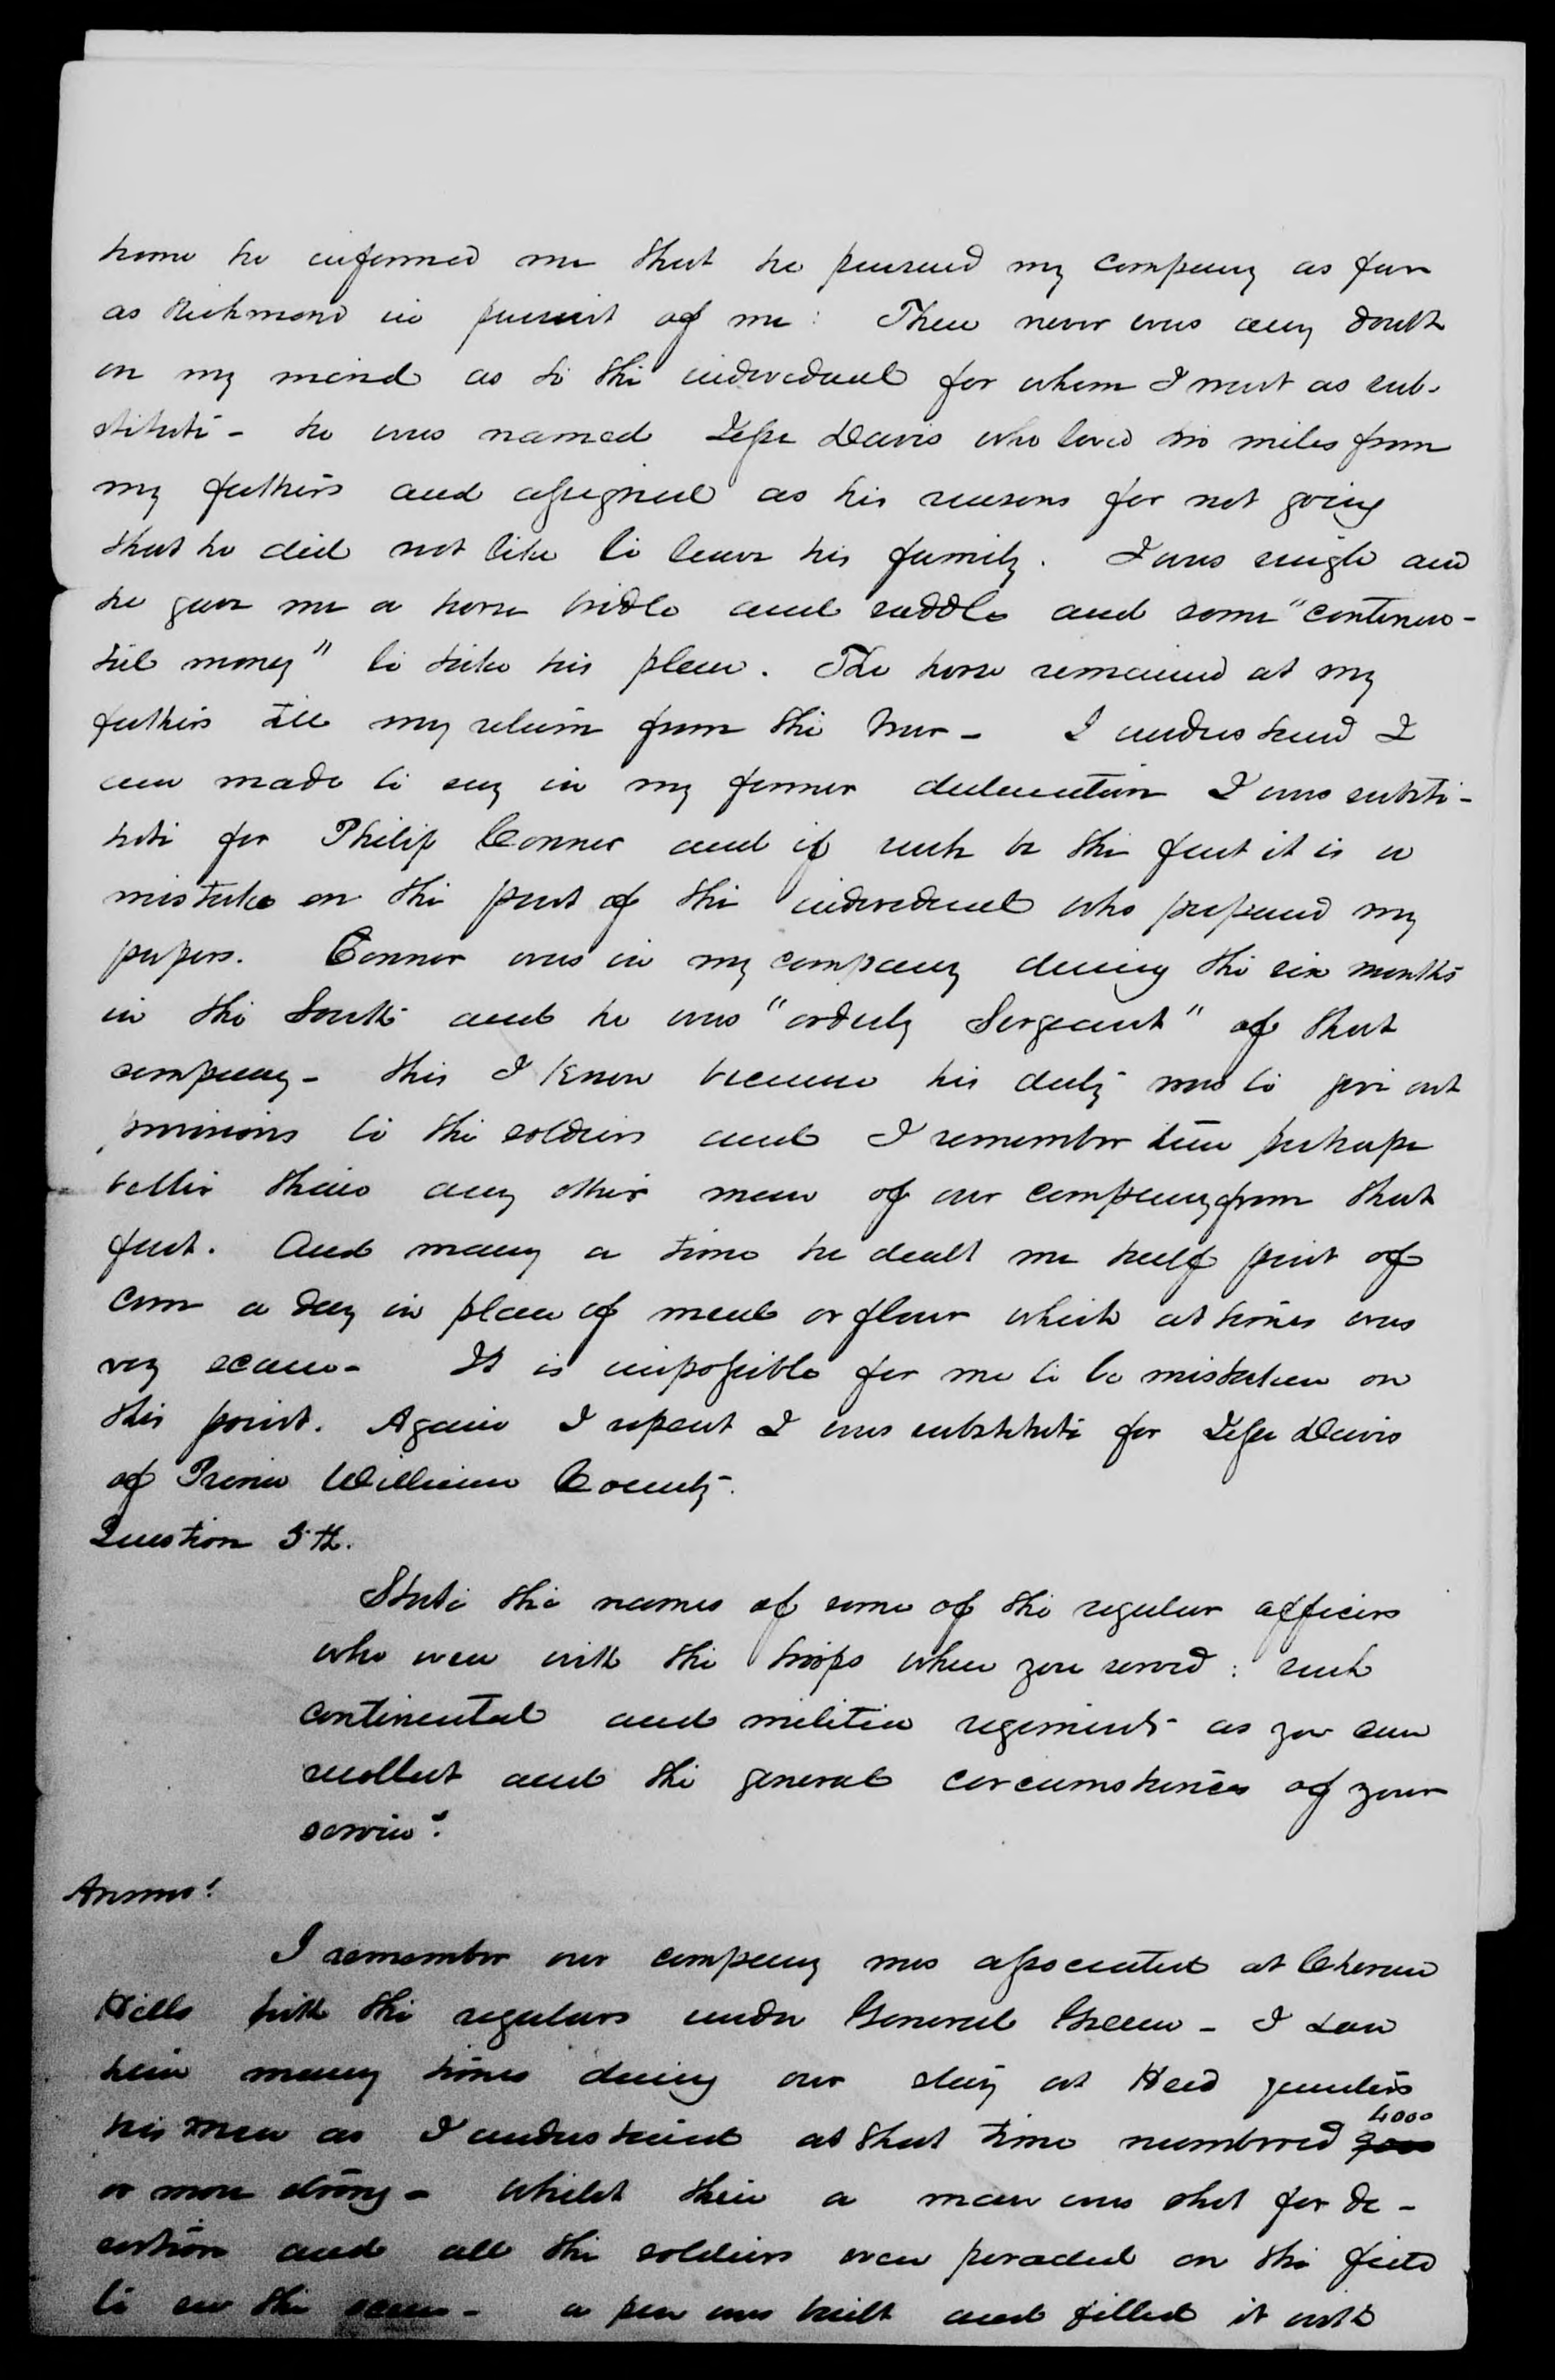home he informed me that he pursued my company as far as Richmond in pursuit of me Then never was never any douth [sic] in my mind as to this individual for whom I went as substitute he was named Jesse Davis who lived no miles from my father's and assigned as his reasons for not going that he did not like to leave his family. I was [illegible] and he gave me a horse bridle and saddle and some "continental money" to take his place. The horse remained at my father's till my return from the war.  I understand I was made to say in my former declaration I am substitute for Philip Conner and if such be the fact it is a mistake on the part of the individual who prepared my papers. Connor was in my company during the six months in the  South and he was "orderly Sergeant" [sic] of that company. This I know because his duty was to give out provisions to the soldiers and I remember him perhaps better than any other men of our company from that fact. And many a time he dealt me half pint of corn a day in place of meat or flour which at times was very scarce. It is impossible for me to be mistaken on this point.  Again I repeat I as substitute for Jesse Davis of Prince William County.
Question 5th: State the names of some of the regular officers who were with the troops where you served; such continental and militia regiments as you can recollect and the general circumstances of your service.
Answer:
I remember our company was associated at Cheraw Hills with the regulars under General Green - I saw him many times during our stay at he'd question his men as I understand a short time numbered 4000 or more during whilst their a man was shot for desertion
and all the soldiers were paraded in the field
to see the [illegible] a pen was built and filled it with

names: Green, Jesse Davis, Conner, Jesse Davis, Philip Conner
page: 15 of 61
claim: survivor's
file: S. 8236, Daniel Cole, Va.